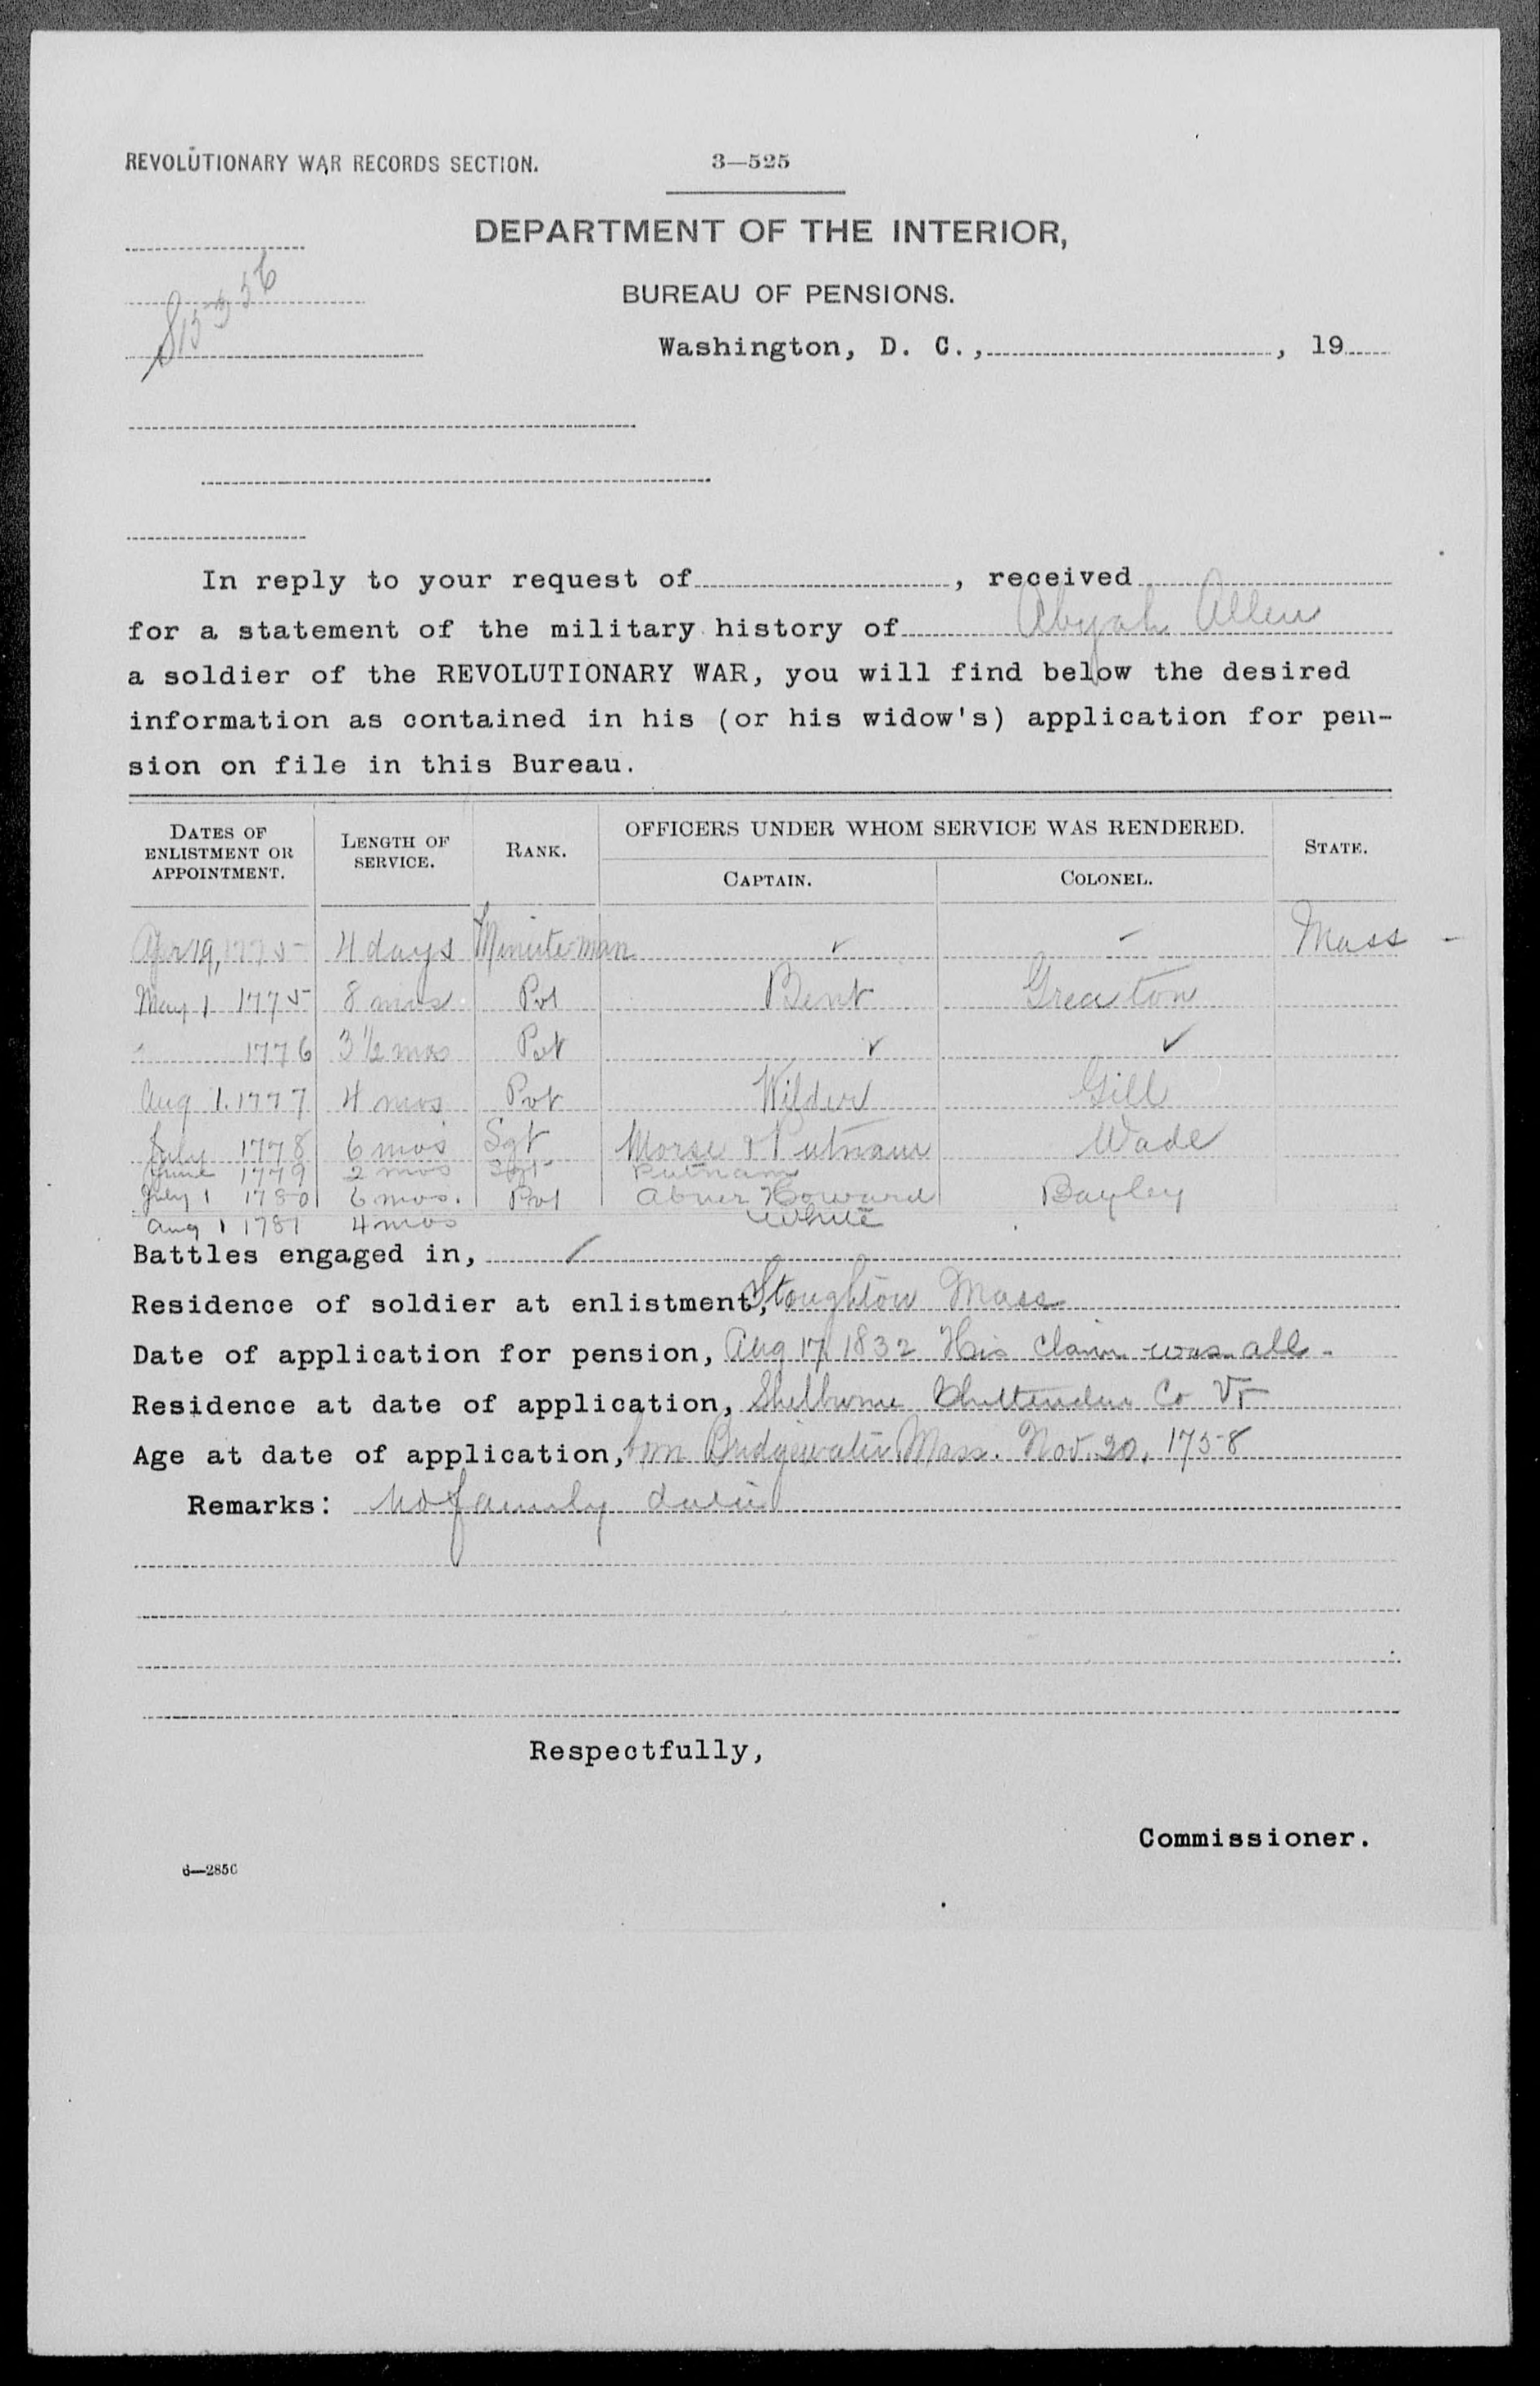REVOLUTIONARY WAR RECORDS SECTION. 3-525
DEPARTMENT OF THE INTERIOR, 
BUREAU OF PENSIONS.
S 15356 Washington, D.C., ...................., 19............
In reply to your request of ........., received .......... for a statement of the military history of Abijah Allen a soldier of the REVOLUTIONARY WAR, you will find below the desired information as contained in his (or his widow's) application for pension on file in this Bureau. 
DATES OF ENLISTMENT OR APPOINTMENT. | LENGTH OF SERVICE. | RANK. | OFFICERS UNDER WHOM SERVICE WAS RENDERED. | CAPTAIN. | COLONEL. | STATE. 
Apr 19, 1775 | 4 days | Minuteman | Mass.
May 1 1775 | 8 mos | Prvt | Bent | Greaton |
1776 | 3 1/2 mos | Prvt |
Aug 1, 1777 | 4 mos | Prvt | Wilder | Gill
July 1778 | 6 mos | Sgt | Morse Putnan | Wade
June 1779 July 1 1780 Aug 1 1781 | 2 mos 6 mos 4 mos | Sgt. Prvt | Putnam Abner Howard White | Bayley
Battles engaged in, ..............
Residence of soldier at enlistment, Stoughton Mass
Date of application for pension, Aug 17 1832 His claim was all. 
Residence at date of application, Shelburne Chittenden Co Vt
Age at date of application, born [illegible] Mass. Nov. 20. 1758
Remarks: No family data
Respectfully, 
Commissioner.
6-285C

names: Gill, Bayley, Morse, Abner Howard, Wade, Putnam, Wilder, Bent, Abijah Allen, White, Greaton, Putnam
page: 14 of 21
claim: survivor's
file: S. 15356, Abijah Allen, Mass.